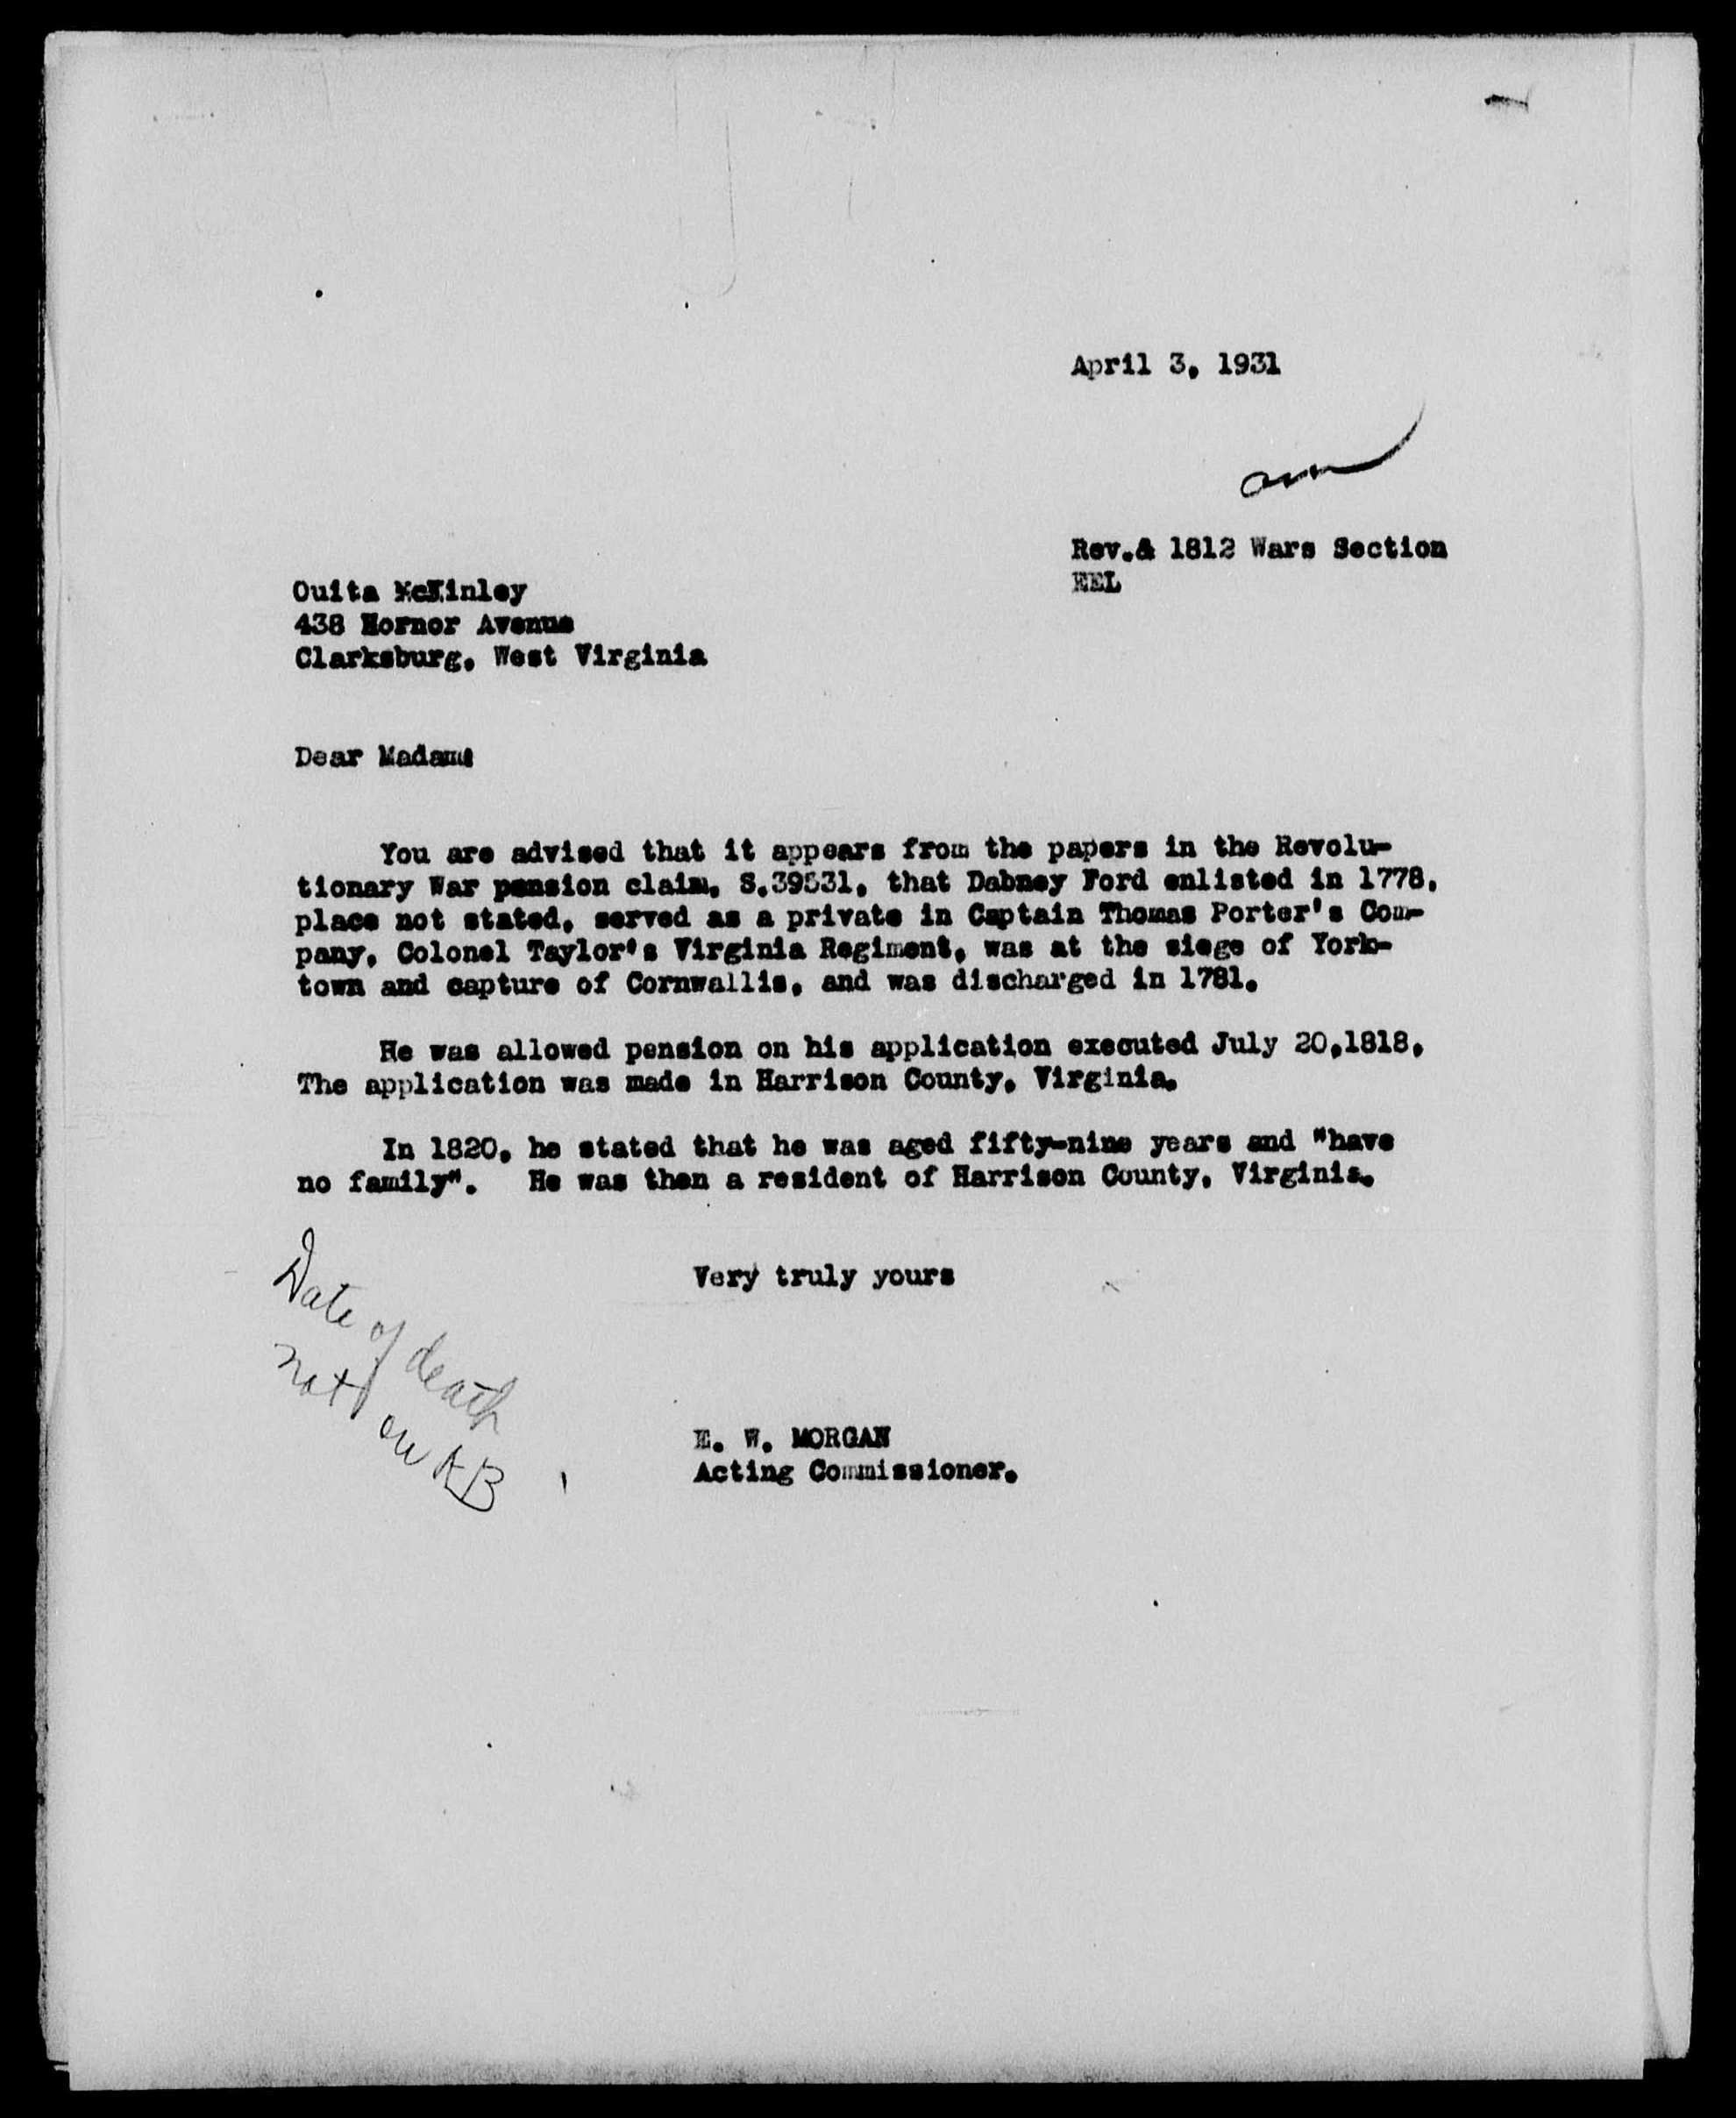April 3, 1931

                                               Rev. & 1812 Wars Section
                                               EEl

                                                   [handwritten initial ?acn]
Ouita McKinley
438 Hornor Avenue
Clarksburg, West Virginia

Dear Madam:

        You are advised that it appears from the papers in the Revolutionary War pension claim, S.39531. that Dabney Ford enlisted in 1778, place not stated, served as a private in Captain Thomas Porter's Company, Colonel Taylor's Virginia Regiment, was at the siege of Yorktown and capture of Cornwallis, and was discharged in 1781.

       He was allowed pension on his application executed July 20, 1818.  The application was made in Harrison County, Virginia.

       In 1820, he stated that he was aged fifty-nine years and "have no family".  He was then a resident of Harrison County, Virginia.

                                                 Very truly yours

                                                  E. W. MORGAN
                                                  Acting Commissioner.
[handwritten]
Date of death
not on AB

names: E W Morgan, Ouita Mc Kinley, Dabney Ford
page: 10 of 11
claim: survivor's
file: S. 39531, Dabney Ford, Va.